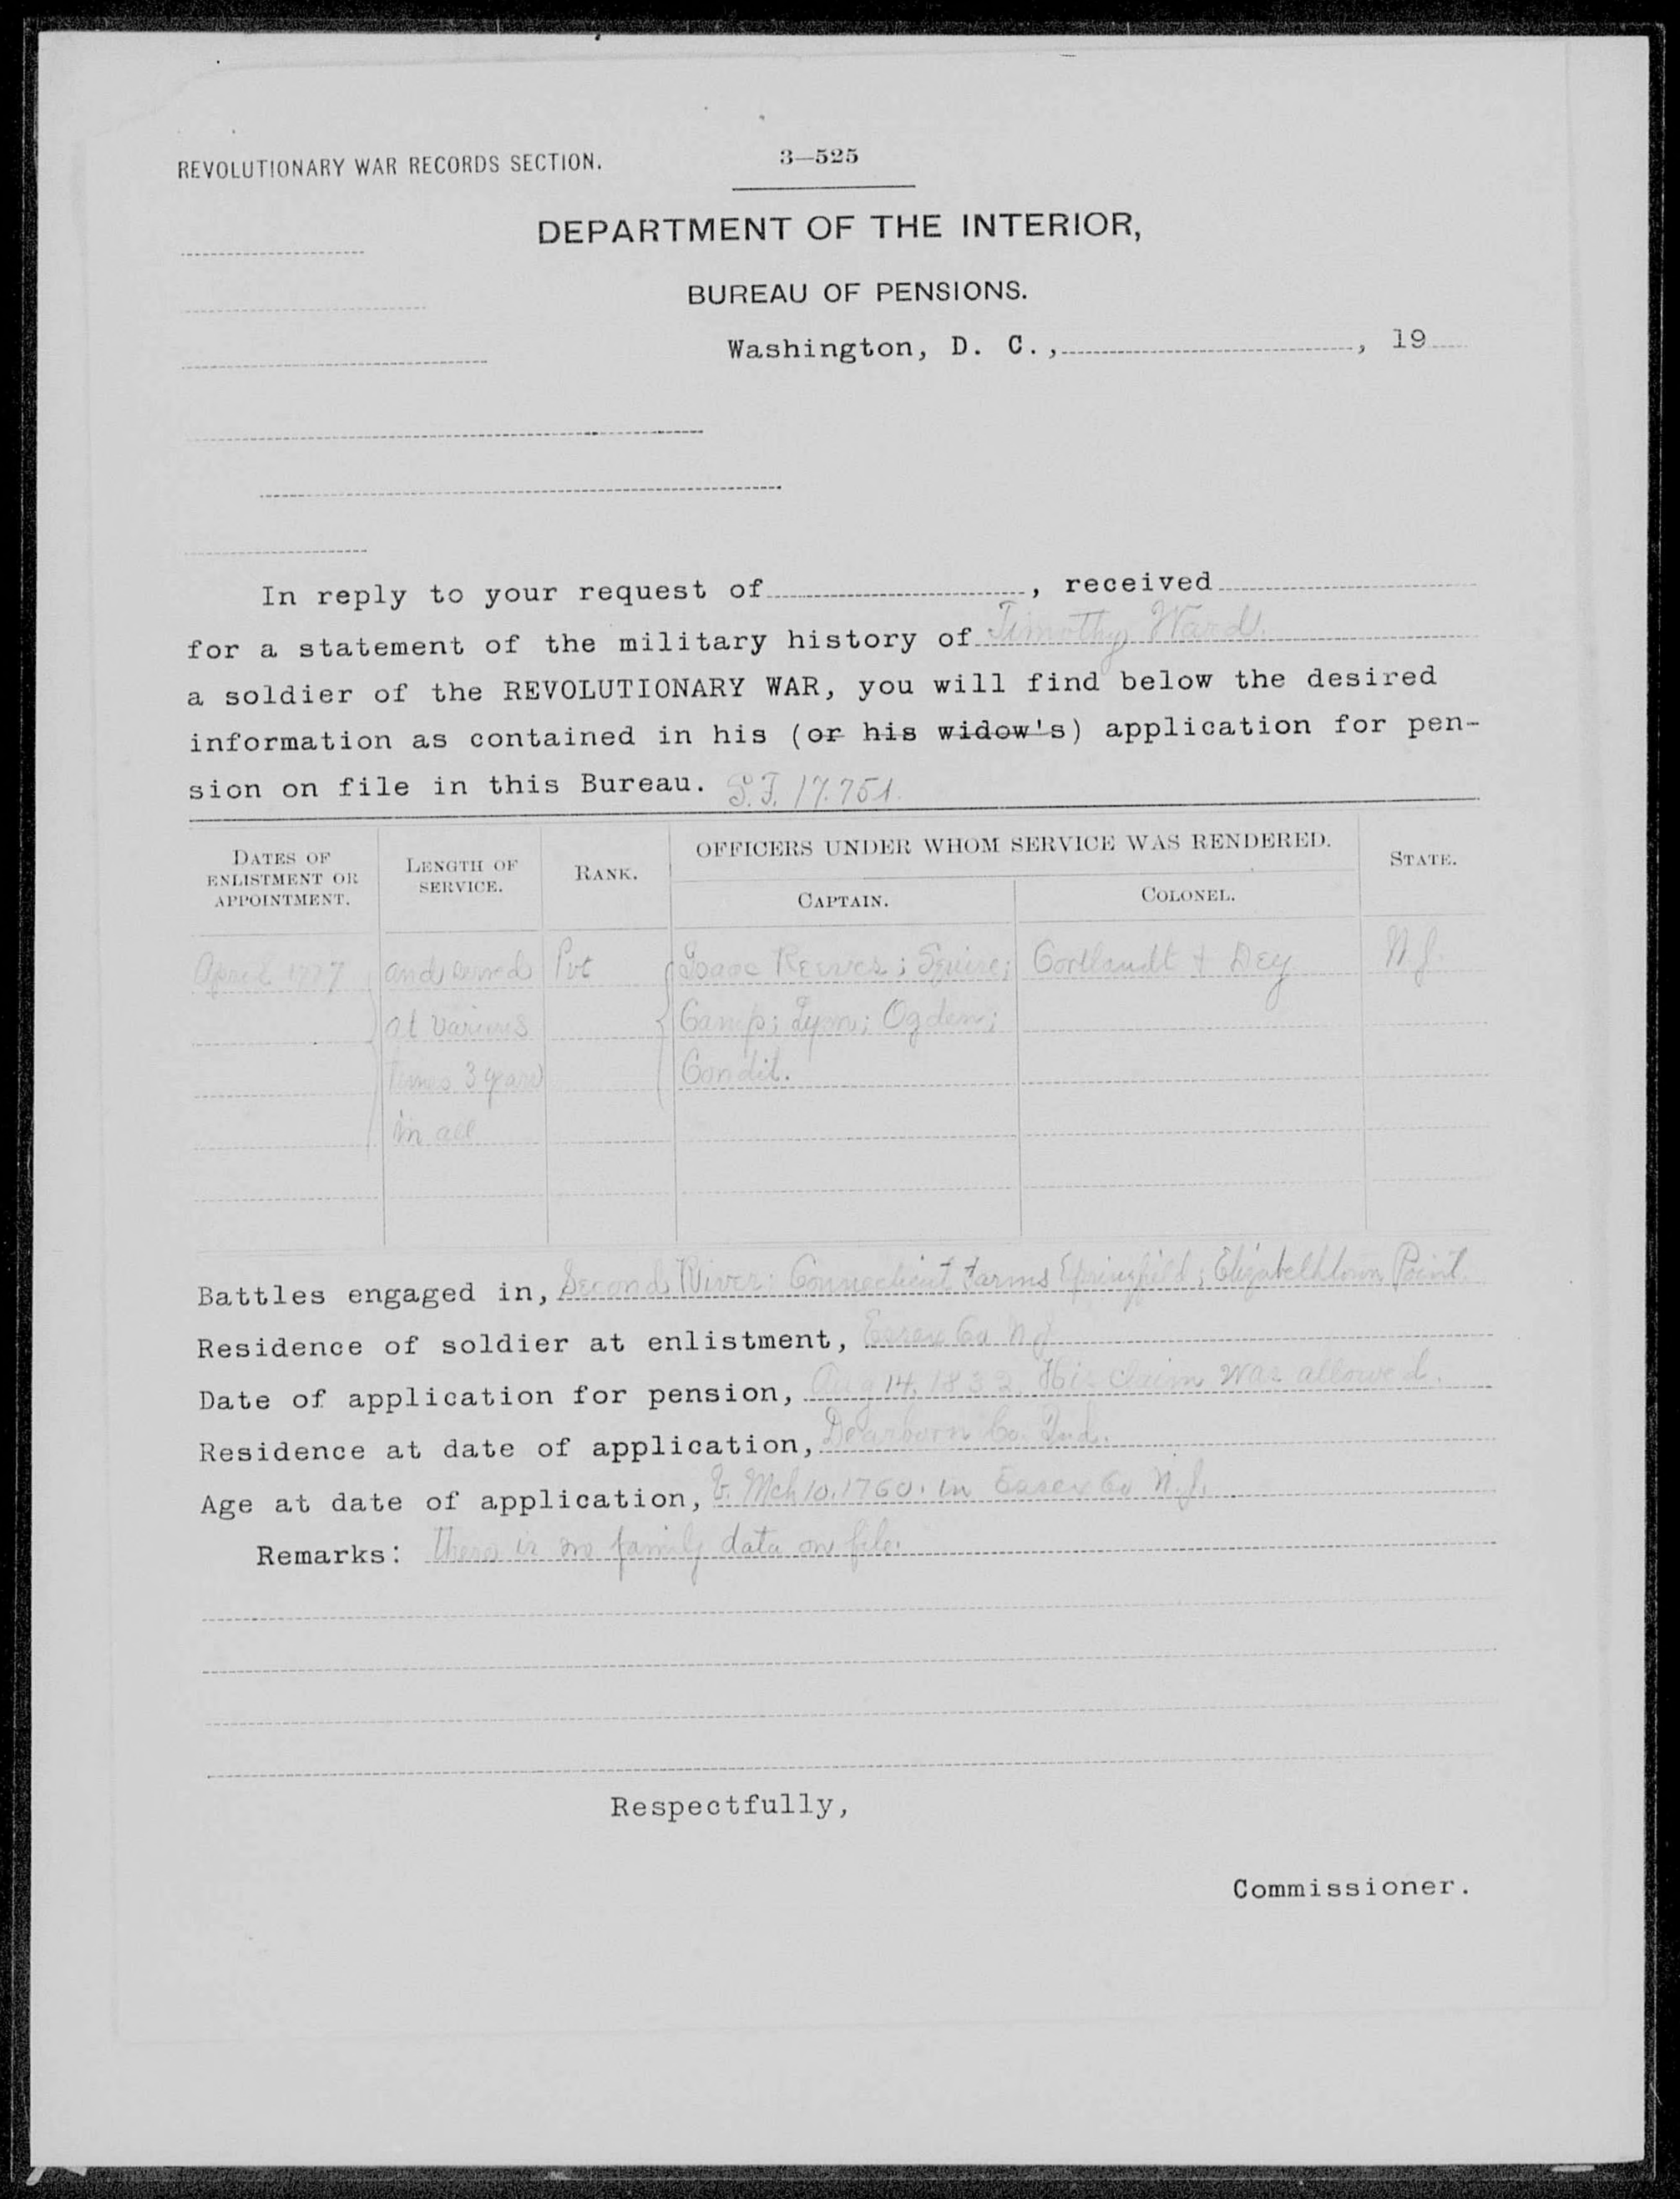REVOLUTIONARY WAR RECORDS SECTION. 3 -- 525 DEPARTMENT OF THE INTERIOR, BUREAU OF PENSIONS. Washington, D. C., 19

In reply to your request of received for a statement of the military history of Timothy Ward a soldier of the REVOLUTIONARY WAR, you will find below the desired information as contained in his ([crossed out 'or his widow's']) application for pension on file in this Bureau. G. F. 17.751 

DATES OF ENLISTMENT OR APPOINTMENT. April 1777 
LENGTH OF SERVICE. and served at various times 3 years in all 
RANK.   Pvt 
OFFICERS UNDER WHOM SERVICE WAS RENDERED. CAPTAIN. Isaac Reeves; Squire, Camp; Lyon; Ogden, Condit. COLONEL. Courtland & Dey 
STATE.  N.J. 

Battles engaged in, Second River; Connecticut Farms Springfield; Elizabethtown Point 

Residence of soldier at enlistment, Essex Co. N.J.
Date of application for pension,  Aug. 14, 1832, His claim was allowed. 
Residence at date of application,  Dearborn Co, Ind. 
Age at date of application, b. Mch 10, 1760 in Essex Co. N.J.
Remarks: There is no family data on file. 

Respectfully, 
Commissioner.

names: Isaac Reeves, Condit, Squire, Cortlandt, Ogden, Camp, Dey, Lyon, Timothy Ward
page: 8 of 24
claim: survivor's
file: S. 17751, Timothy Ward, New Jersey